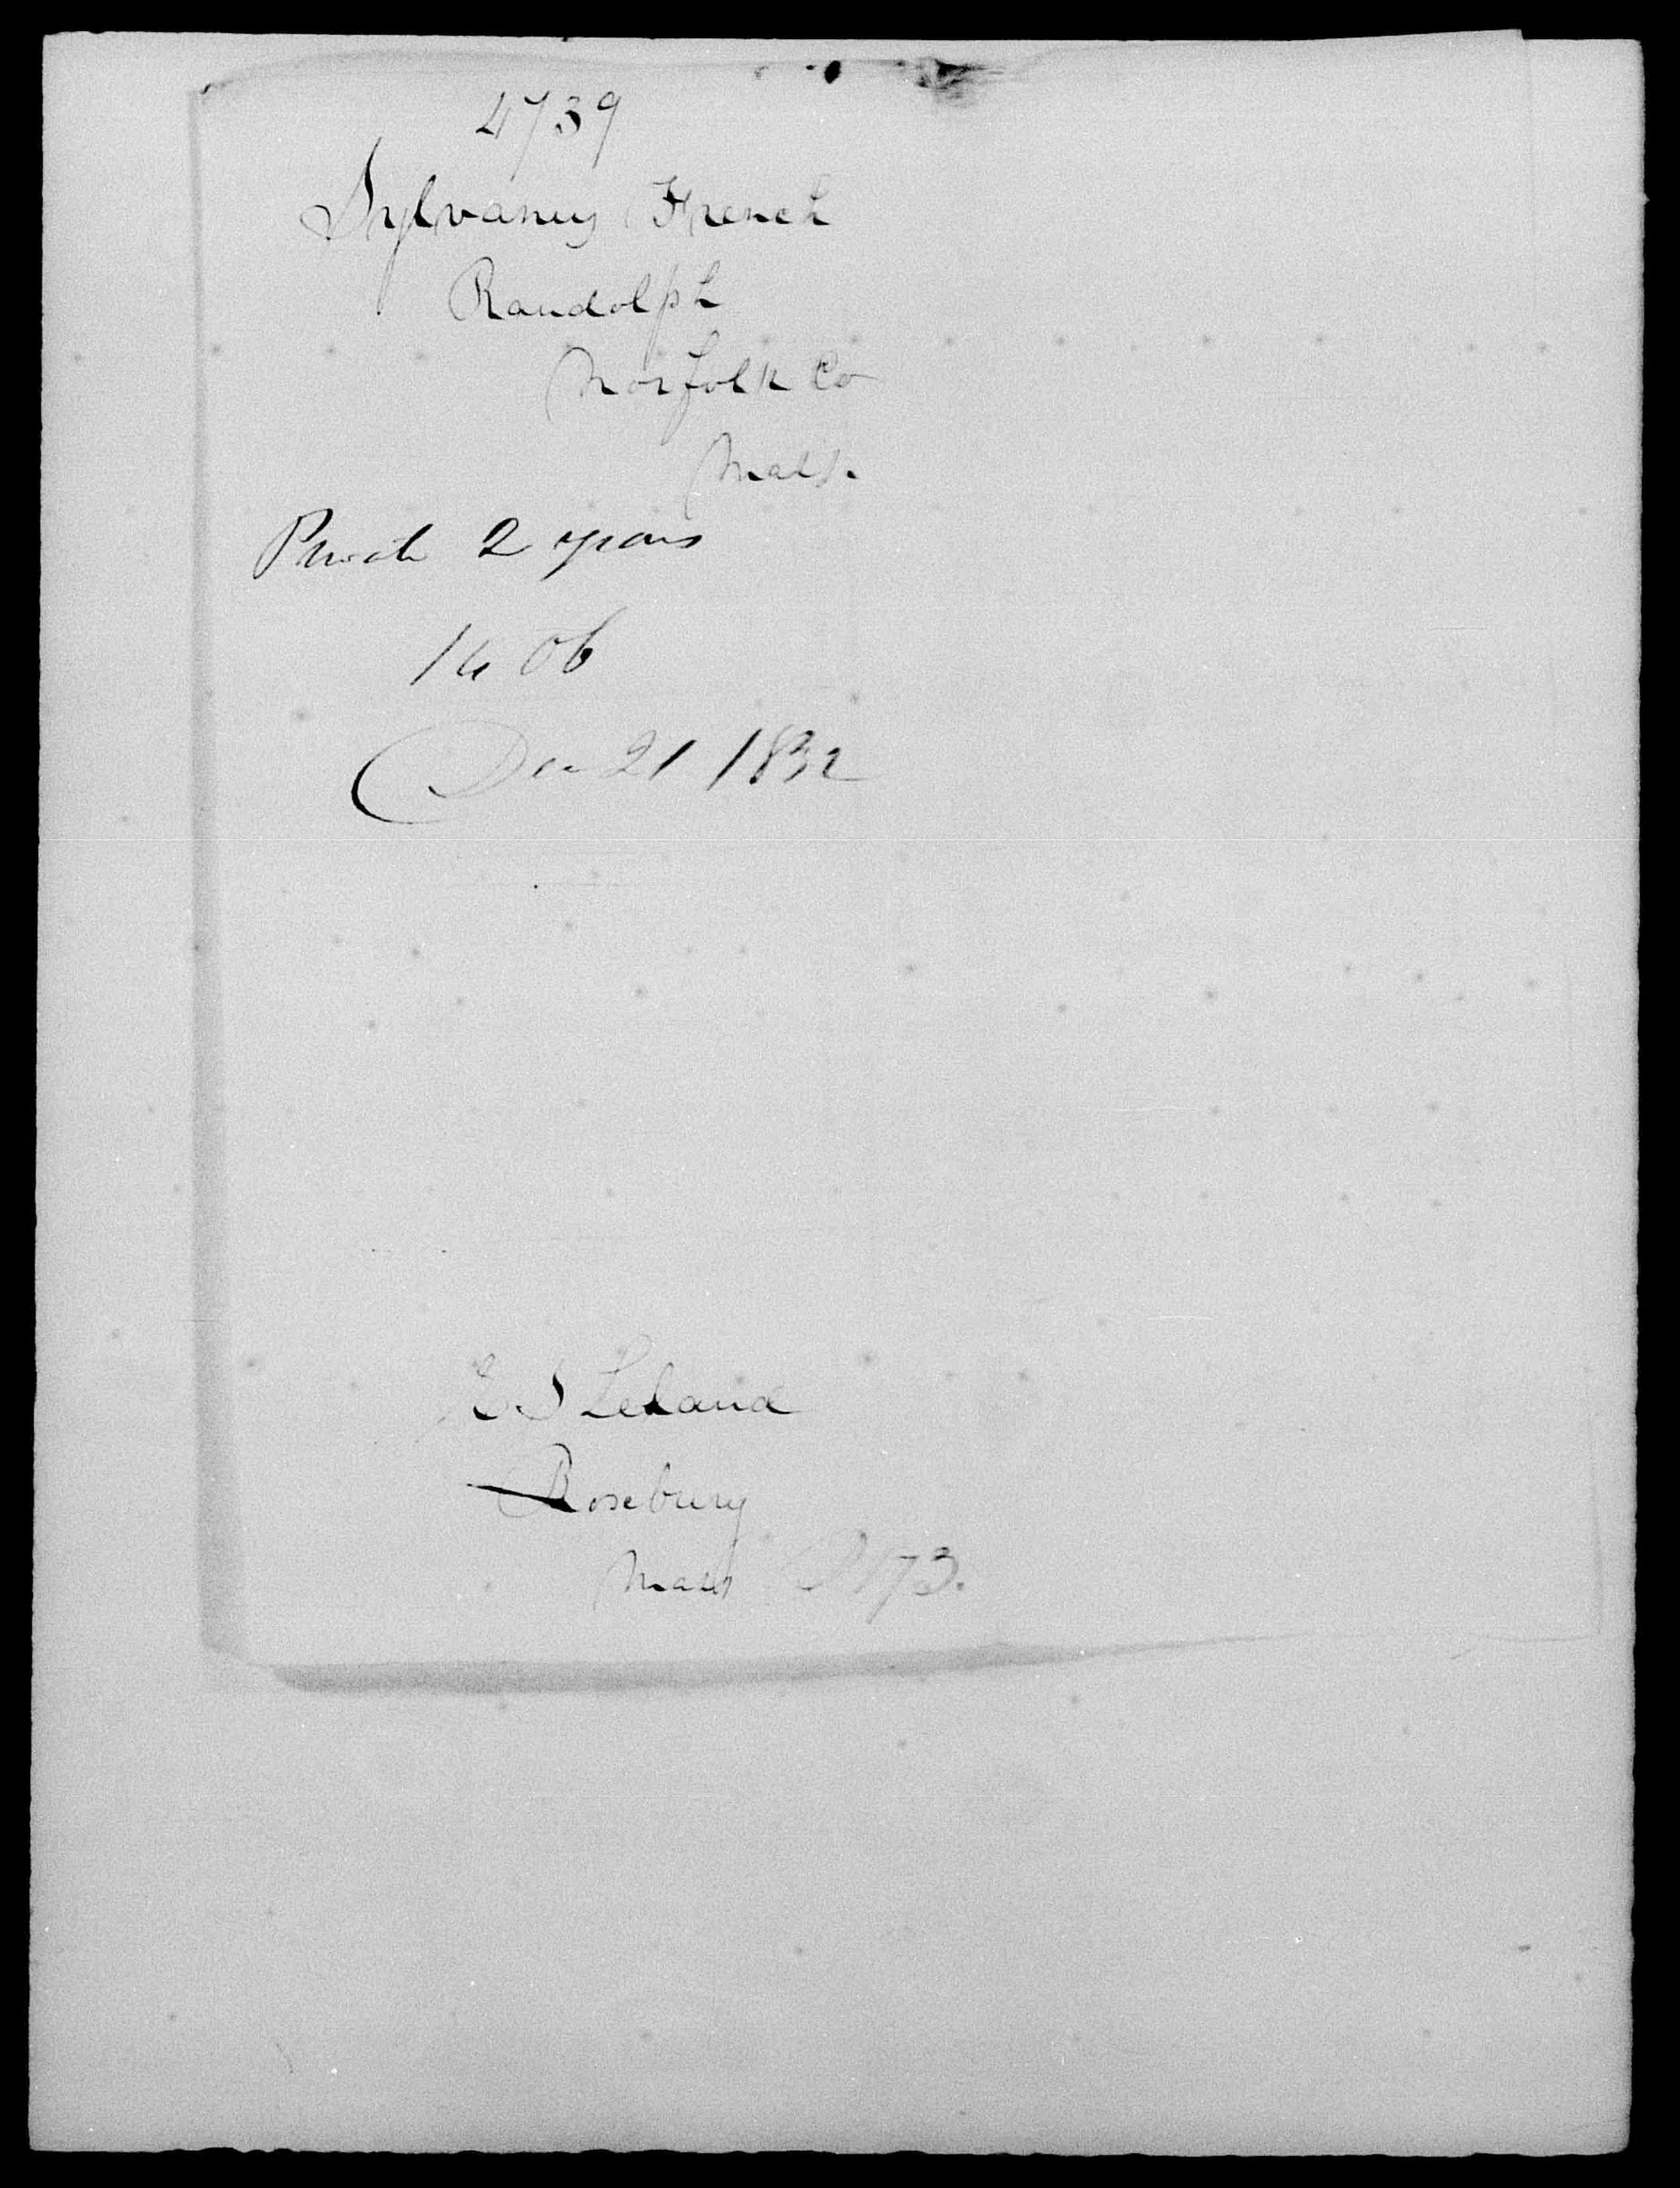4739
Sylvanus French
Randolph
Norfolk Co
Mass

Private 2 years
1606
Dec 21 1832

G. S. Leland
Roxbury
Mass 
173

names: Sylvanus French, E S Leland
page: 3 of 38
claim: widow's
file: W. 24,235, Silvanus French, Mass.